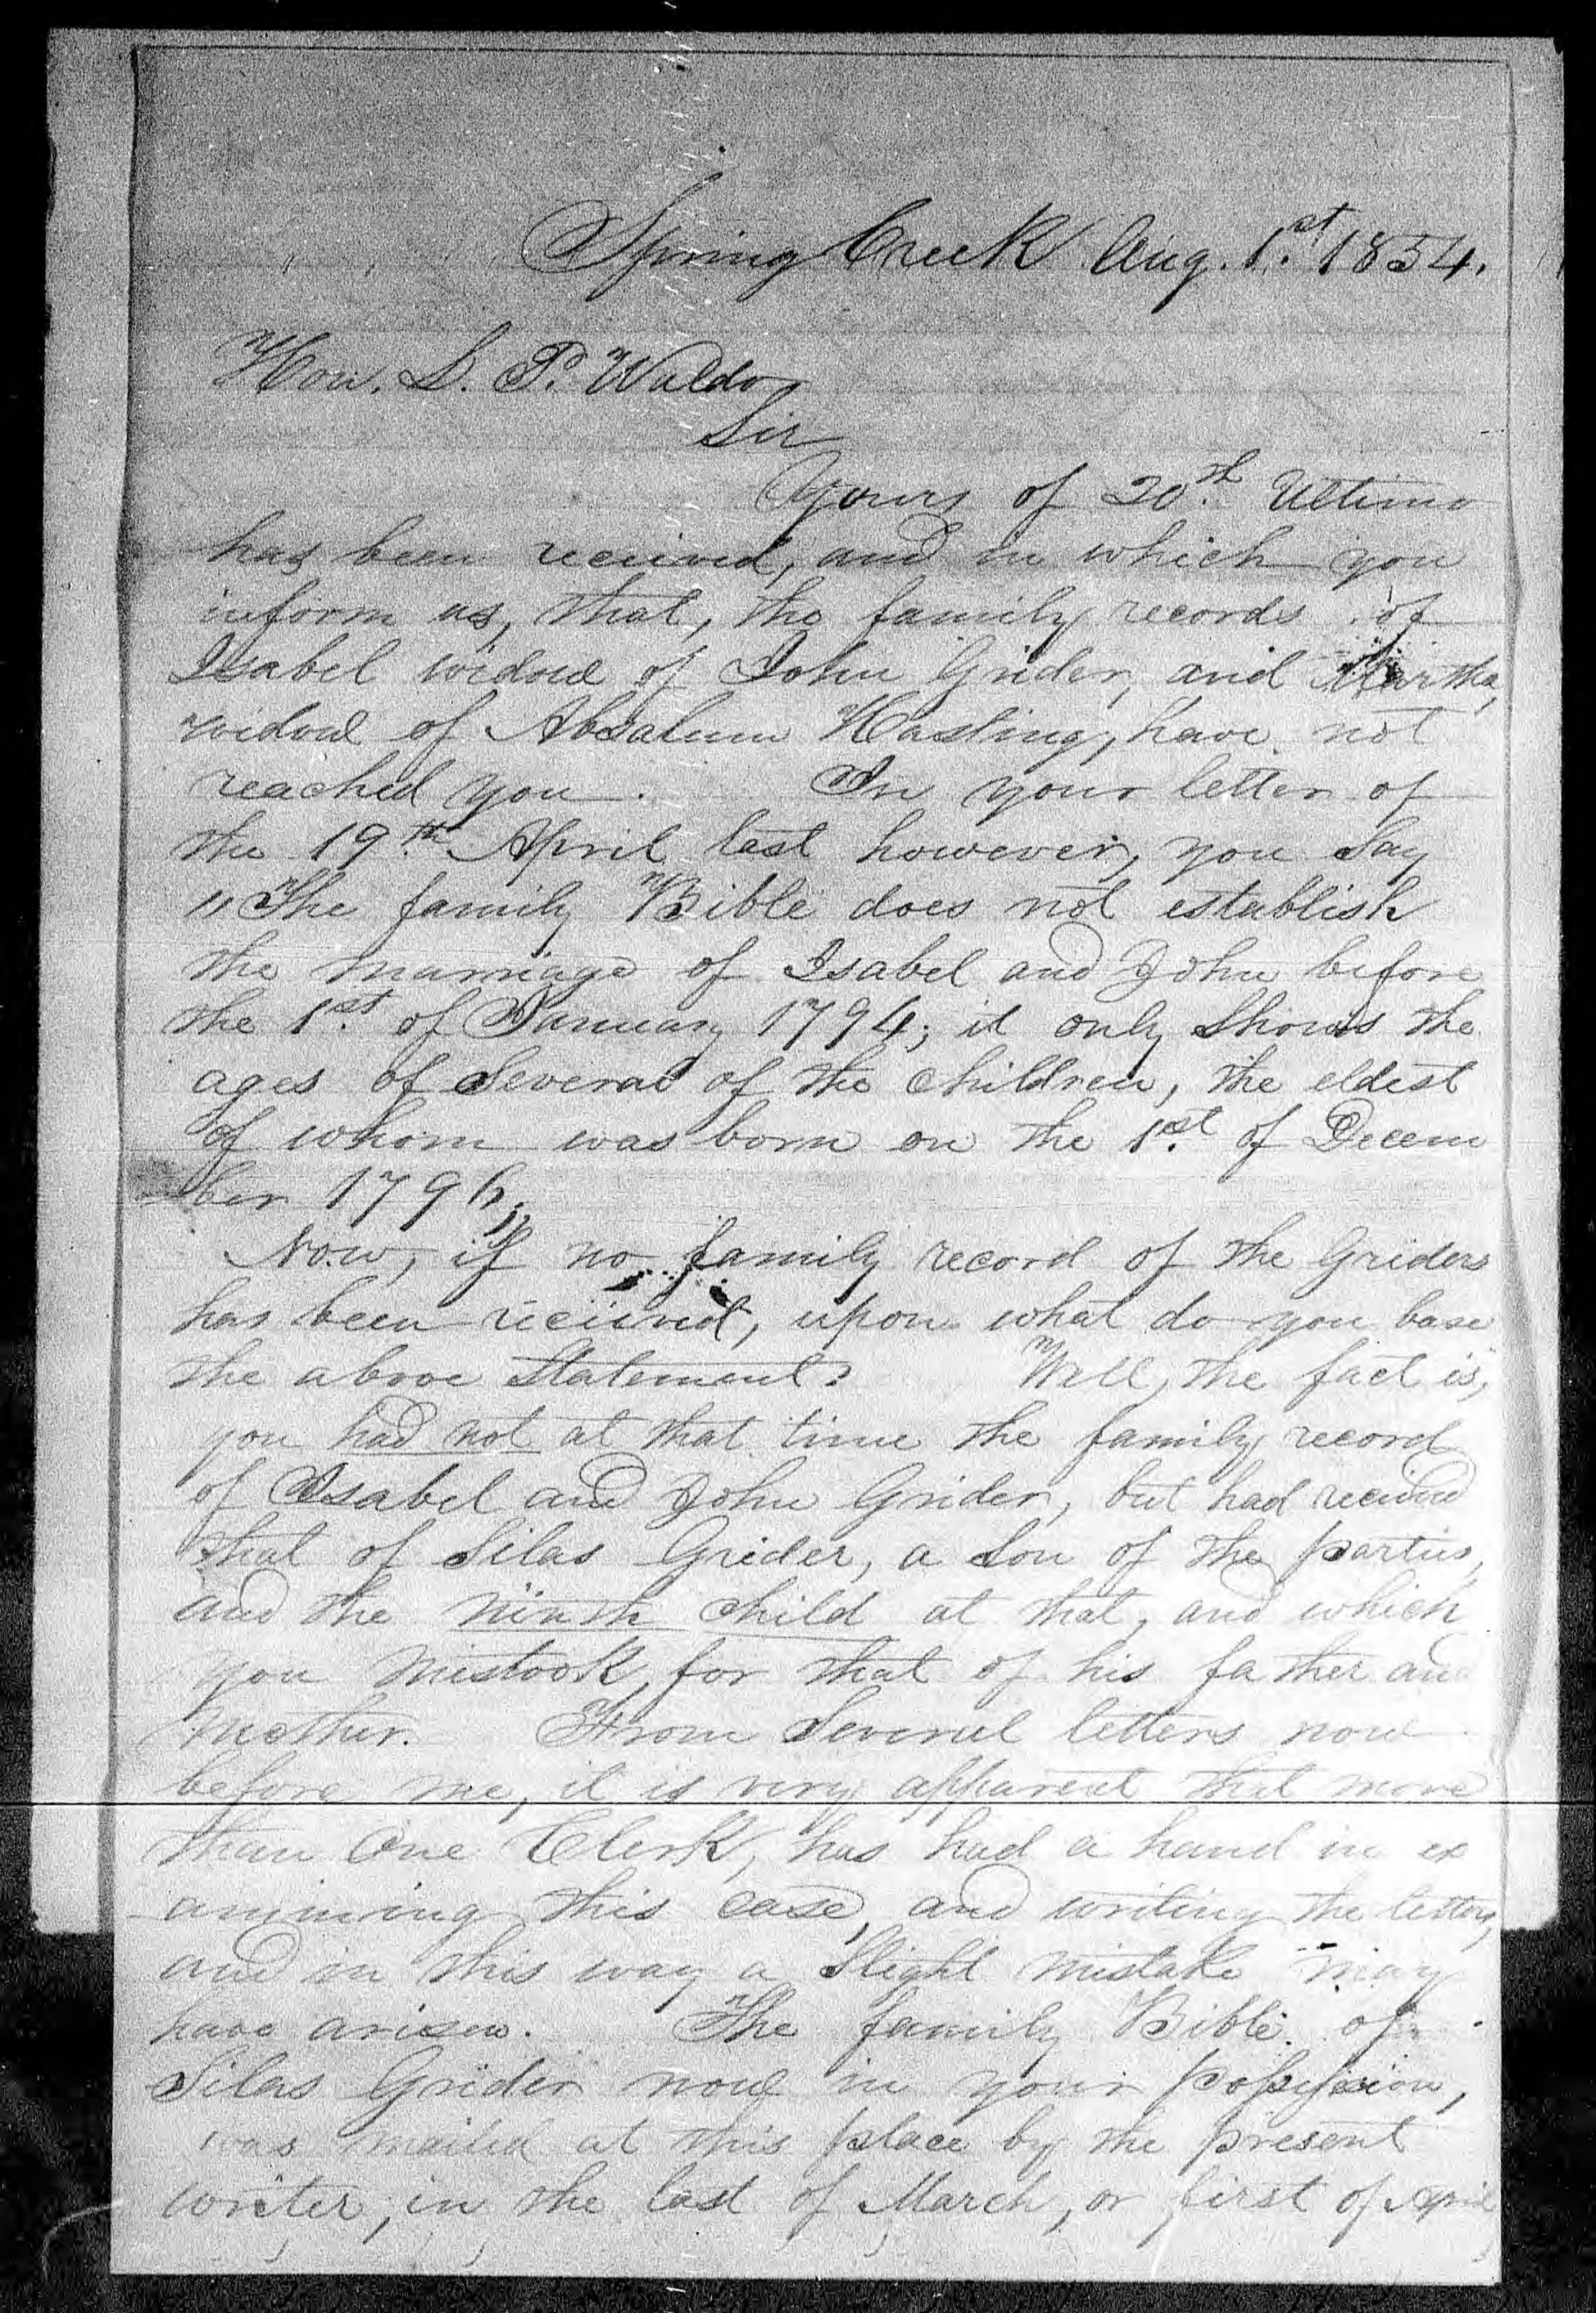Spring Creek Aug 1st 1854

Hon L.P. Waldo
Sir
     Yours of 20th Ultimo has been received, and in which you inform us that, tho family records of Isabel widowed of John Grider, and Martha, widowed of Absalum Hasting, have not reached you. In your letter of the 19th April last however, you say "The family Bible does not establish the marriage of Isabel and John before the 1st of January 1794; it only shows the ages of several of the children, the eldest of whom was born on the 1st of December 1796"
    Now, if no family record of the Griders has been received, upon what do you base the above statement?  Well, the fact is , you had not at that time the family record of Isabel andJohn Grider, but had received that of Silas Grider, a son of the parties, and the ninth child at that, and which you mistook for that of his father and mother. From several letters now before me, it is very apparent that more than one Clerk, has had a hand in examining this case, and writing the letters, and in this way a slight mistake my have [illegible]. The family Bible of Silas Grider now in your possession, was mailed at this place by the present writer, in the last of March, or first of April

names: Isabel Grider, Silas Grider, Griders, Silas Grider, John Grider, Isabel, John Grider, Absalum Hasting, Martha, L P Waldo, Isabel, John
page: 65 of 91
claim: widow's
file: W 358, John Grider, N.C.